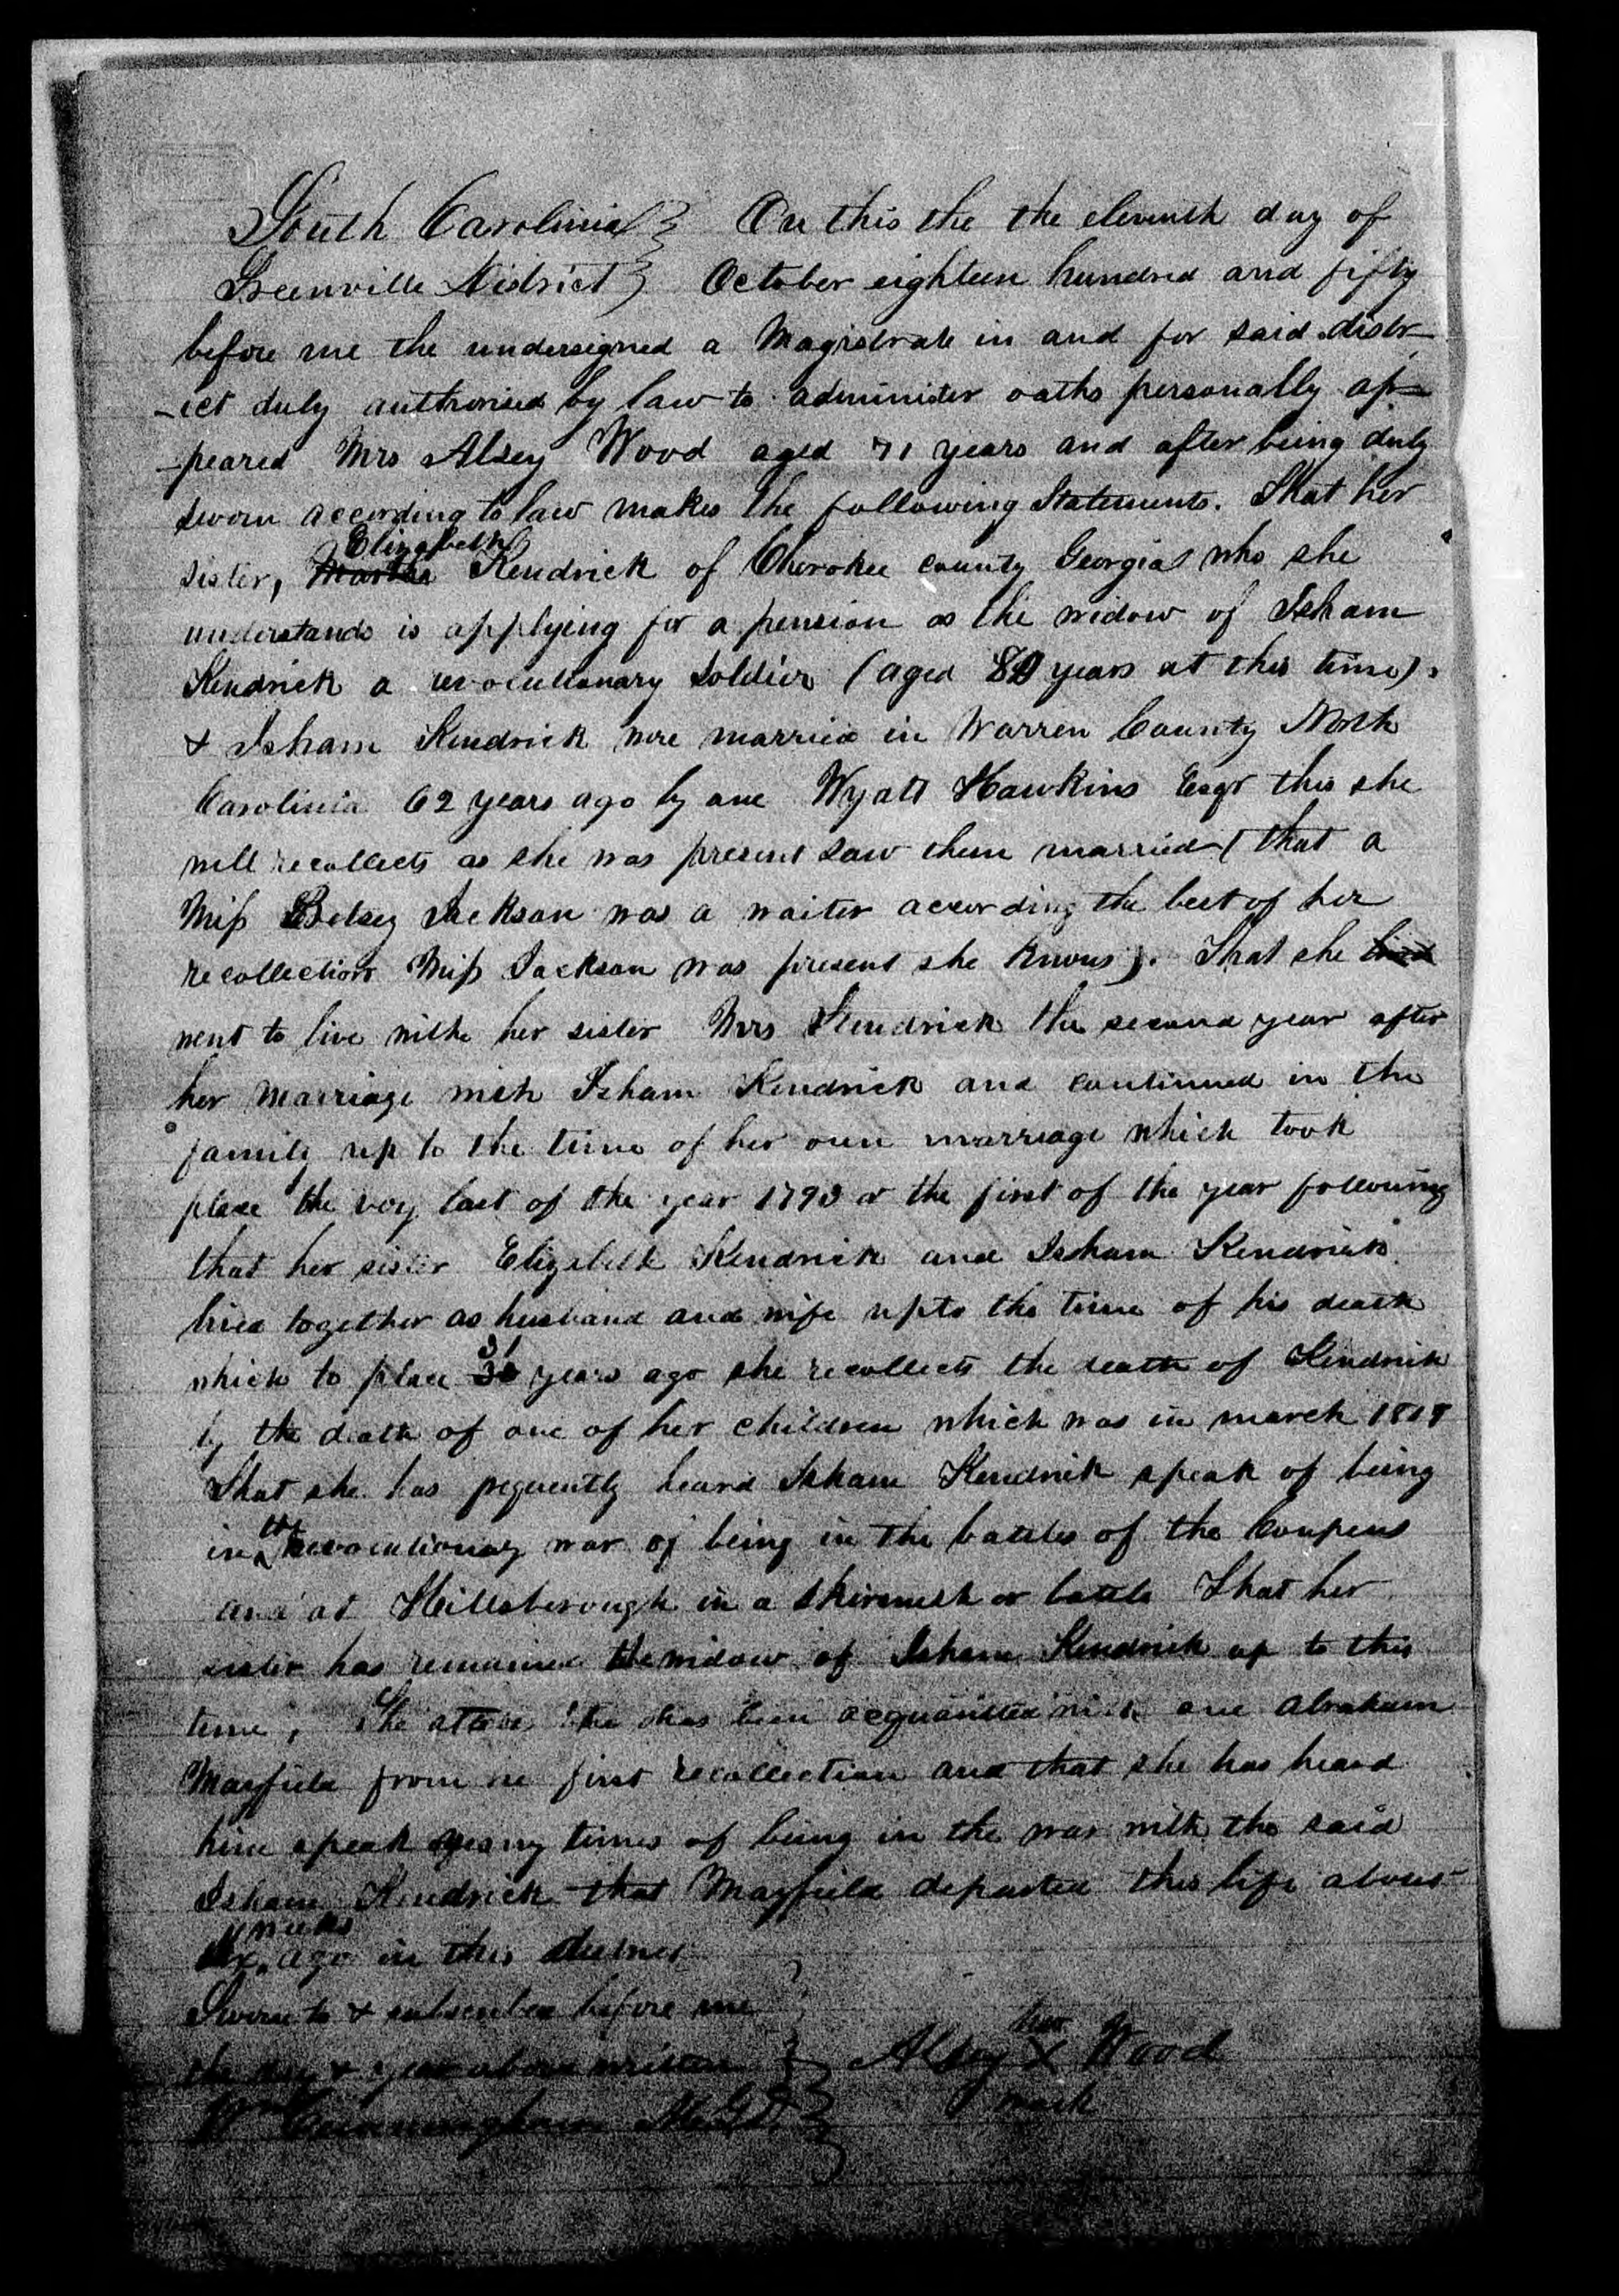South Carolina
Greenville District

On this the eleventh day of 
October eighteen hundred and fifty
before me the undersigned a Magistrate in and for said district
duly authorised by law to administer oaths personally appeared
Mrs Alsey Wood aged 71 years and after being duly
sworn according to law makes the following Statements.  That her
sister, Elizabeth Kendrick of Cherokee County Georgia who she 
understands is applying for a pension as the widow of Isham
Kendrick a revolutionary soldier (aged 80 years at this time)
& Isham Kendrick were married in Warren County North
Carolina 62 years ago by one Wyatt Hawkins Esqr this she 
well recollects as she was present saw them married  that a 
Miss Betsey Jackson was a waiter according the best of her 
recollection  Miss Jackson was present she knows.  That she 
went to live with her sister Mrs Kendrick the second year after
her marriage with Isham Kendrick and continued in the 
family up to the time of her own marriage which took 
place the very last of the year 1793 at the first of the year following 
that her sister Elizabeth Kendrick and Isham Kendrick
lived together as husband and wife up to the time of his death
which to place 31 years ago  she recollects the death of Kendrick
by the death of one of her children which was in March 1819
That she has frequently heard Isham Kendrick speak of being 
in the revolutionary war of being in the battles of the Cowpens
and at Hillsborough in a skirmish or battle  That her
sister has remained the widow of Isham Kendrick up to this 
time.  She states she has been acquainted with one Abraham 
Mayfield from her first recollection and that she has heard
him speak many times of being in the war with the said
Isham Kendrick that Mayfield departed this life about 
six years ago in this district

Alsey Wood  X  her mark

Sworn to & subscribed before me 
the day & year above written.

[Wm?] Cunningham Mag G. D.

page: 8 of 29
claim: rejected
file: R. 5862, for Isham Kendrick, North Carolina